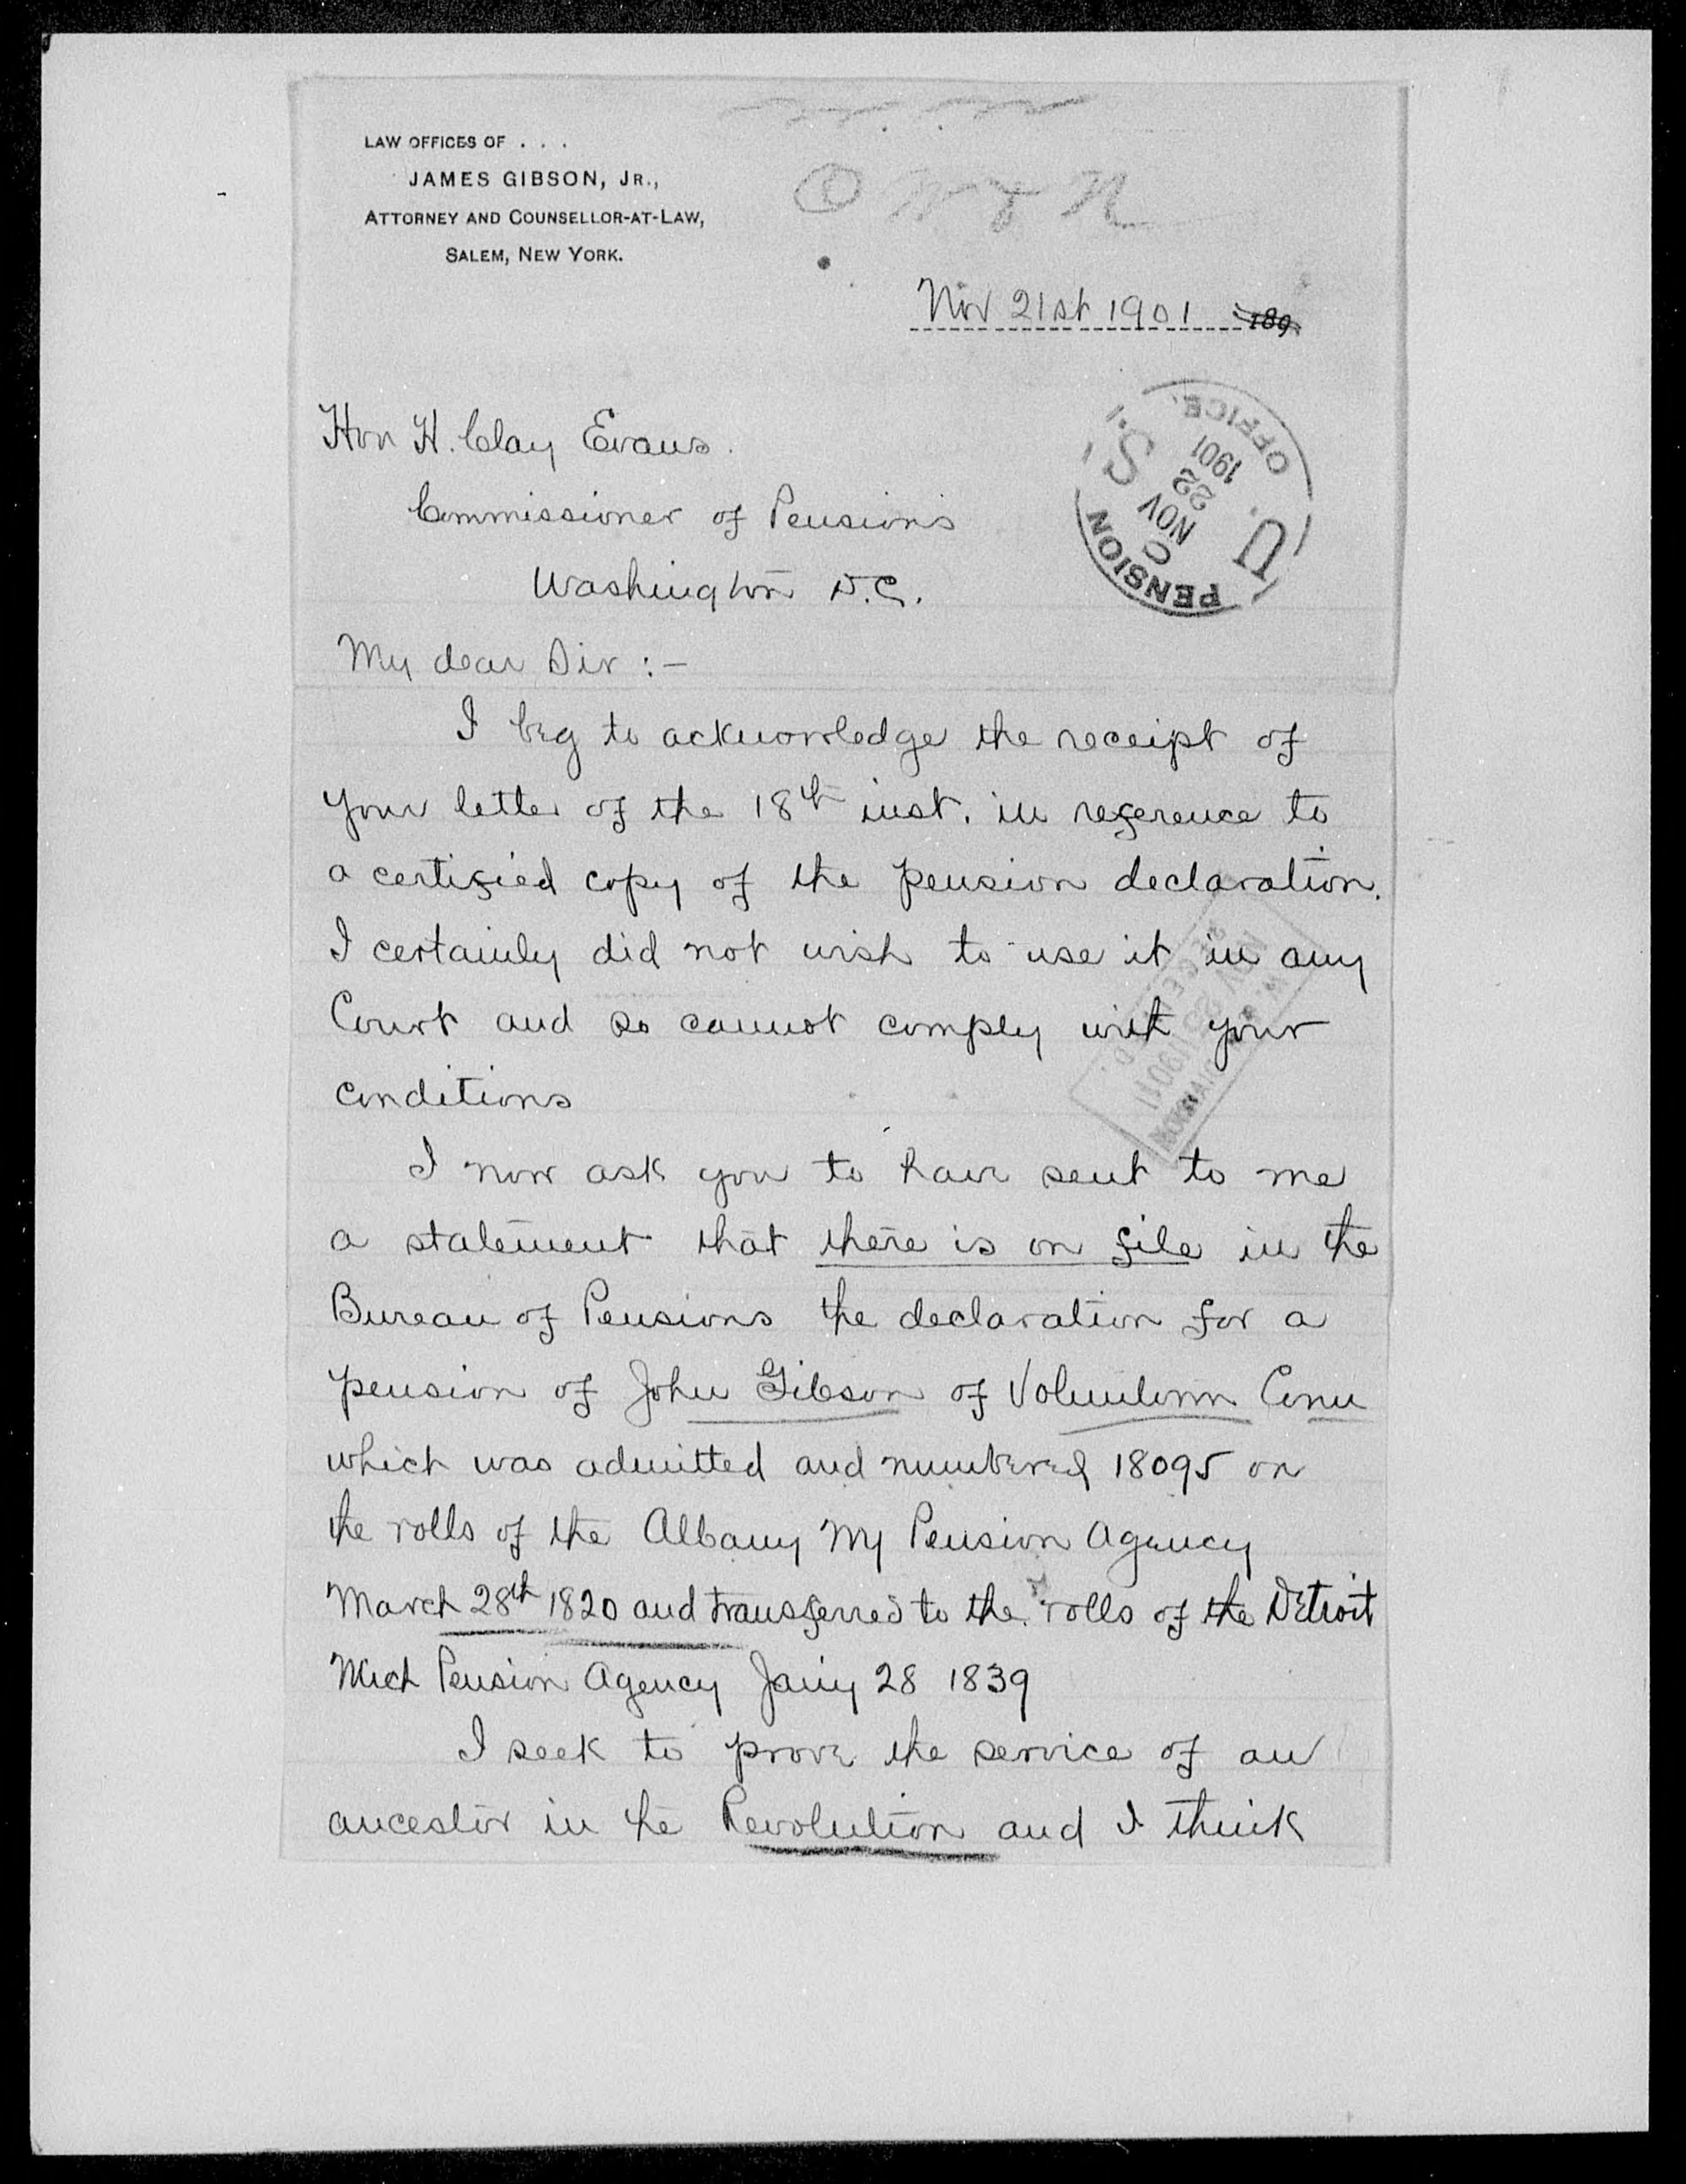LAW OFFICES OF . . .
JAMES GIBSON, JR.,
ATTORNEY AND COUNSELLOR AT LAW,
SALEM, NEW YORK.

Nov 21st 1901

[stamp] U.S. PENSION OFFICE NOV 22 1901

Hon. H Clay Evans
Commissioner of Pensions
Washington, D.C.

My dear Sir: - 
I beg to acknowledge the receipt of your letter of the 18th inst, in reference to a certified copy of the pension declaration. I certainly did not wish to use it in any Court and so cannot comply with your conditions.
I now ask you to have sent to me a statement that there is on file in the Bureau of Pensions the declaration for a pension of John Gibson of Voluntown Conn which was admitted and number 18095 on the rolls of the Albany NY Pension Agency March 28th 1820 and transferred to the rolls of the Detroit Mich Pension Agency January 28 1839
I seek to prove the service of an ancestor in the Revolution and I think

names: John Gibson, H Clay Evans, James Gibson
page: 29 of 32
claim: survivor's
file: S. 34899, John Gibson, R.I.